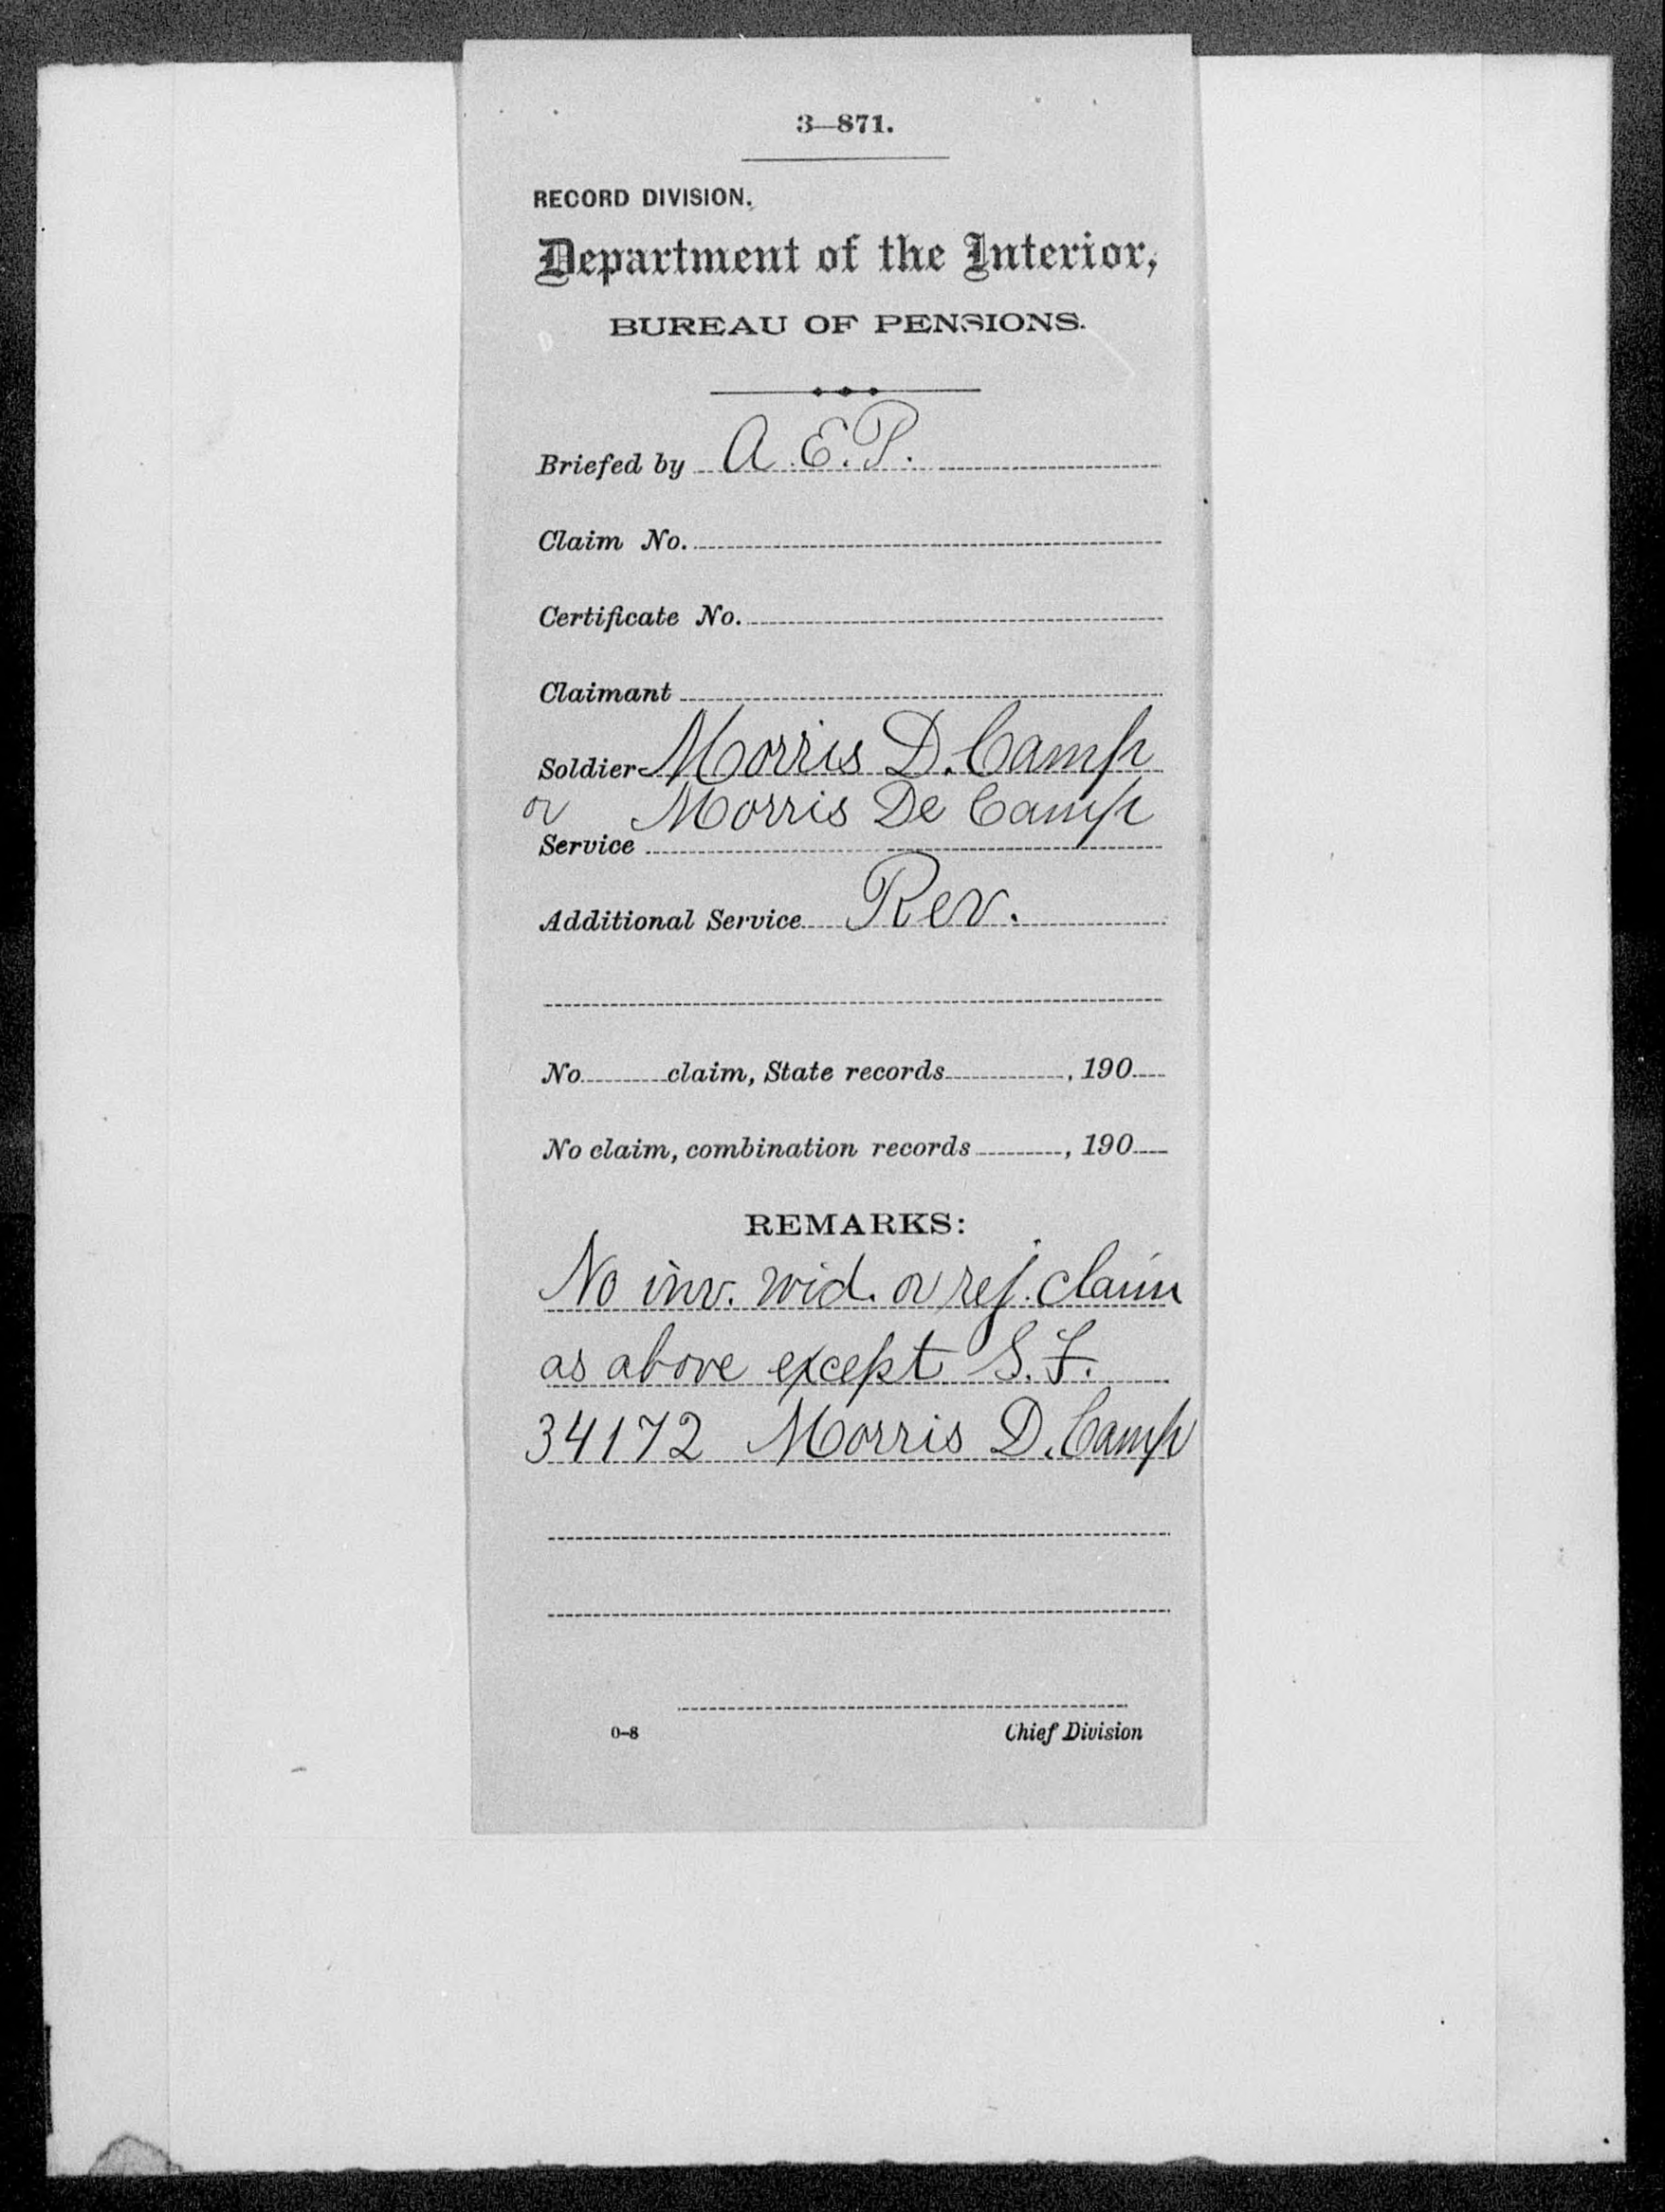3-871.
RECORD DIVISION, Department of the Interior, BUREAU OF PENSIONS..
Briefed by A.E.P.
Claim No. 
Certificate No.
Claimant
Soldier   Morris D. Camp  or Morris De Camp
Service
Additional Service   Rev.
No.      claim, State records          , 190__
No claim, combination records       ,  190__
REMARKS:
No inv. wid. or ref. claim as above except S. F. 34172  Morris D. Camp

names: Morris De Camp, Morris D Camp, Morris D Camp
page: 38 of 52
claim: survivor's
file: S. 34172, Morris D Camp, Continental (New Jersey)